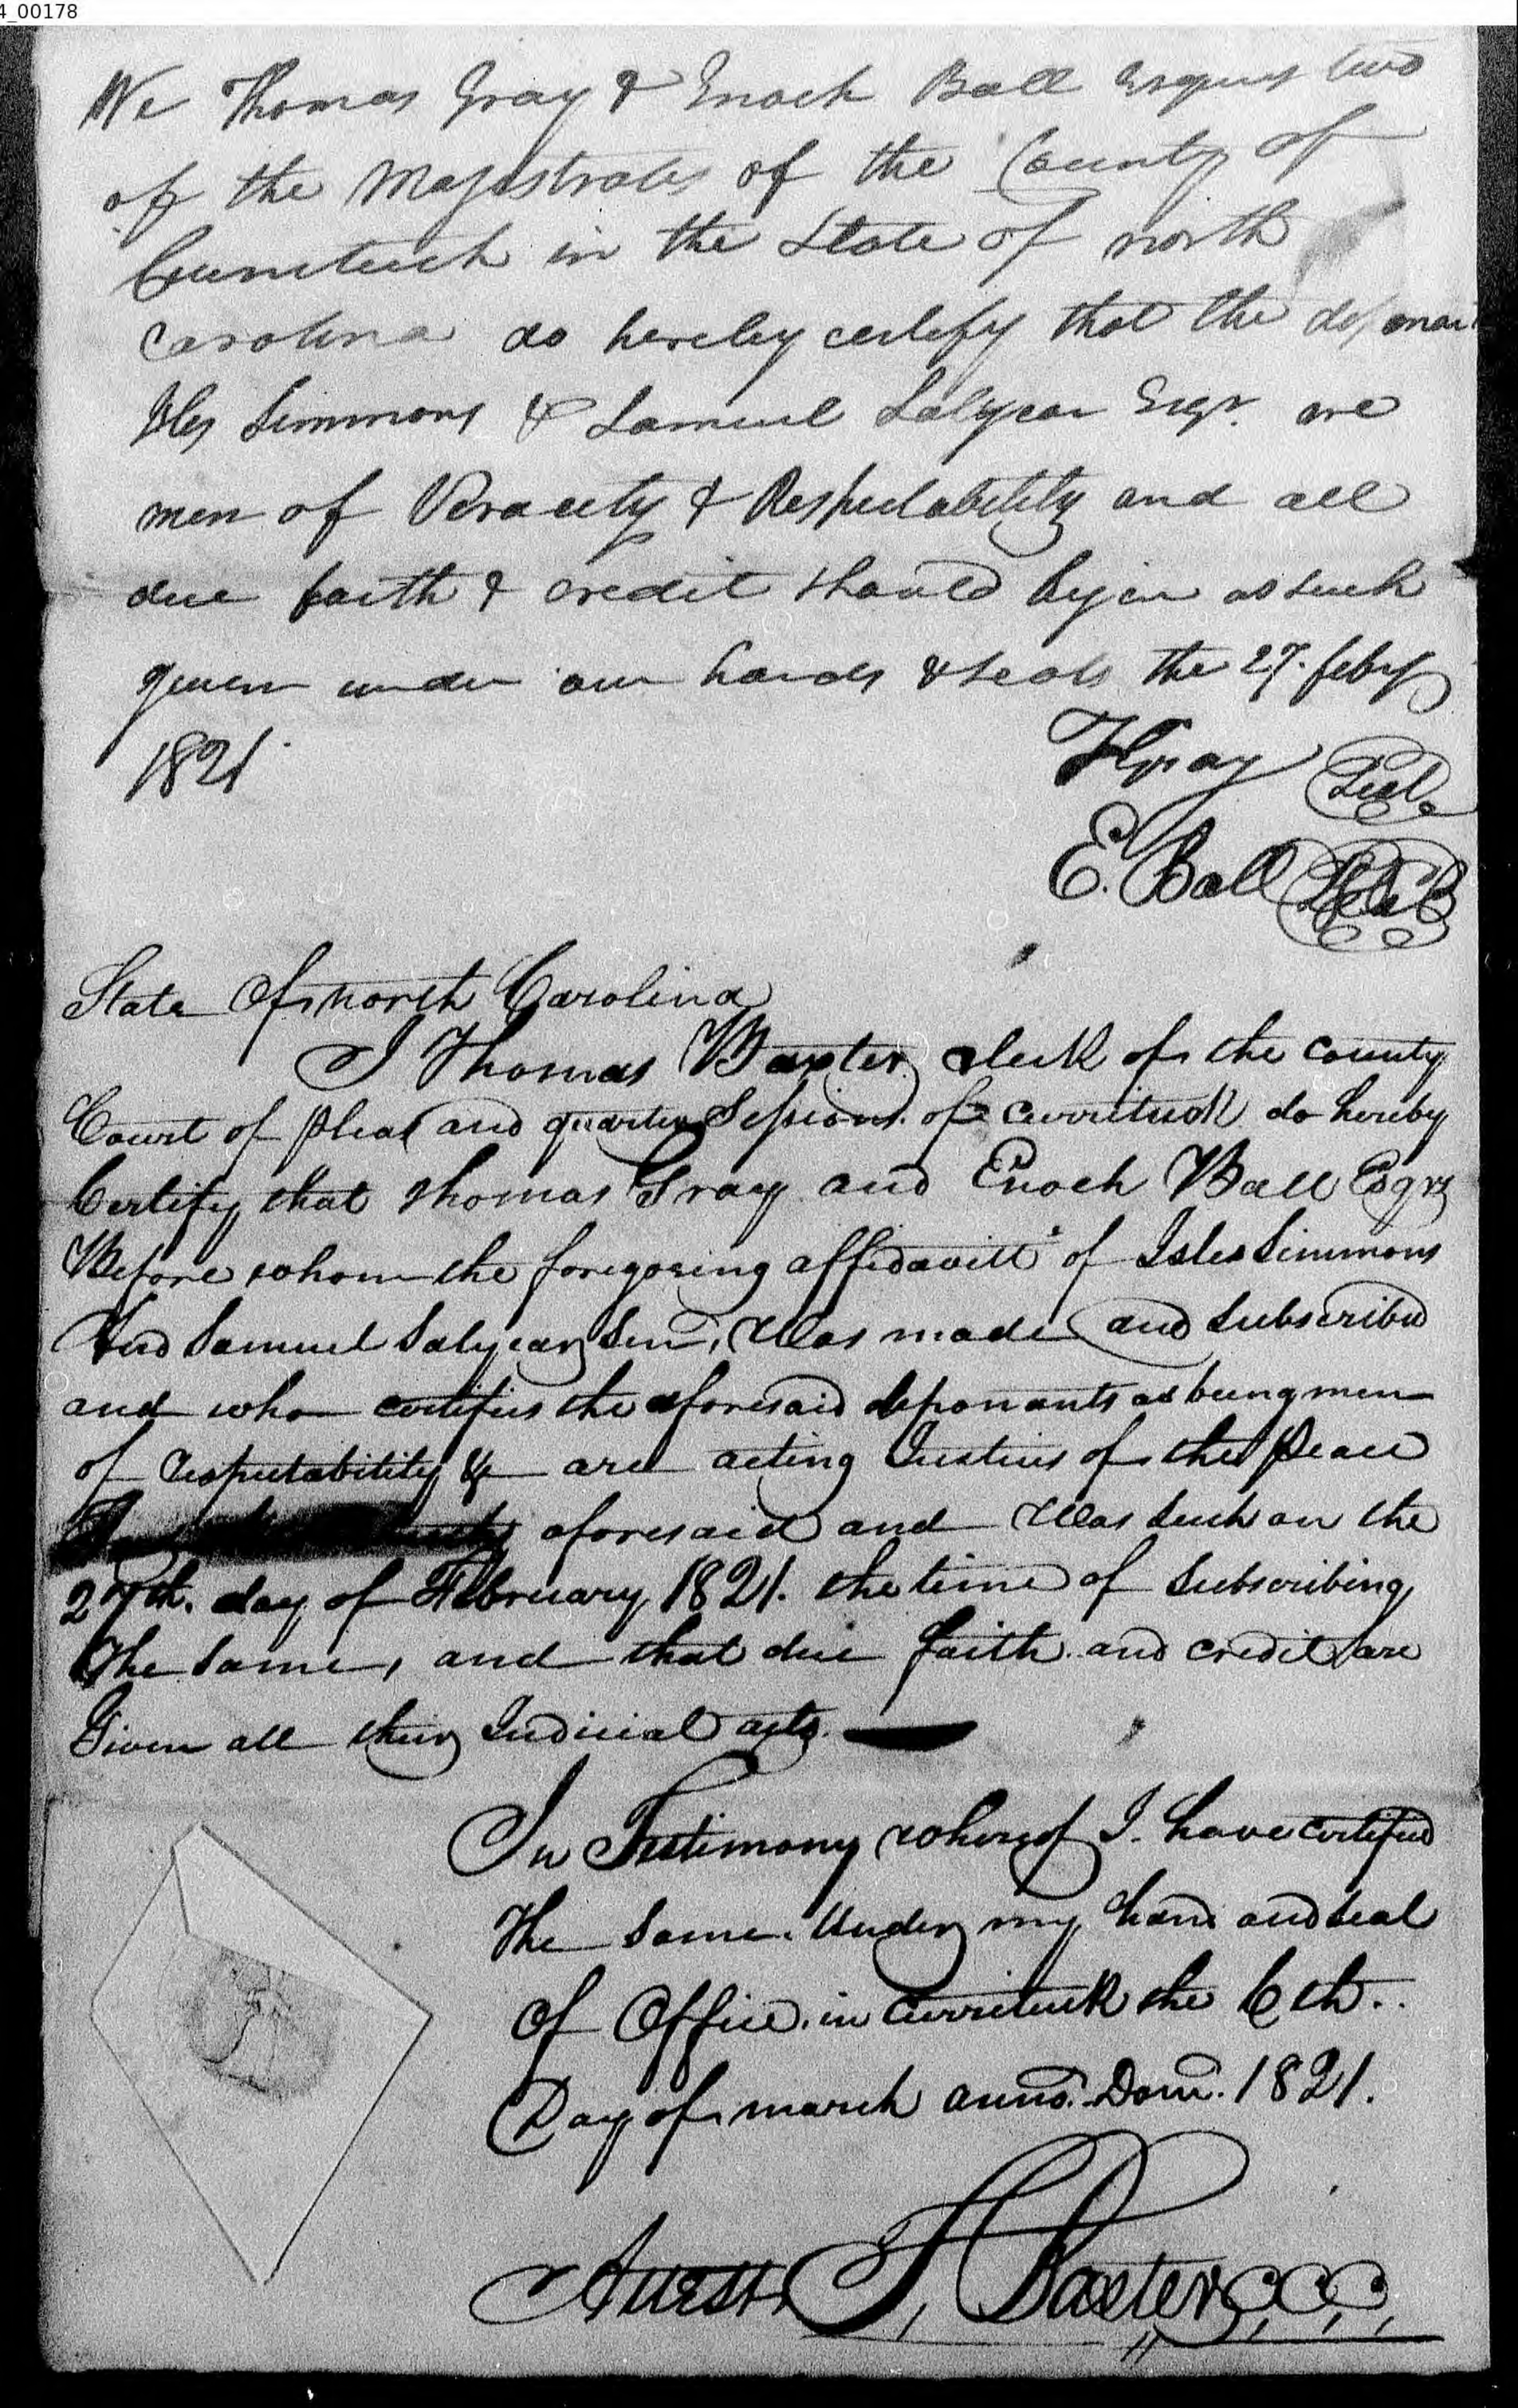We Thomas Gray & Enoch Ball request two of the magistrates of the County of Cumotuck in the State of North Carolina do hereby certify that the defendant Isles Simmons & Samuel Salyear Esq. are men of veracity & Respectability and are due faith and credit should by as such question under our hands and hearts the 27 July 1821.

Thomas Grey (seal)
Enoch Ball (seal)

State of North Carolina
I Thomas Baxter clerk of the County Court of please and quarters [illegible] of Currutuk do hereby Certify that Thomas May and Enoch Ball Esqs swore before the foregoing affidavit and Samuel Salyear & Isles Simmons made and subscribed and who certified the aforesaid information and being men of Respectability are acting Justice of the peace aforesaid and Ellas Such our the 27th day of February 1821, the time of Subscribing of Same, and that due faith and credit are Given all their Individual acts.

In testimony hereof I have certified The Same.  Under my hand and seal of Office in Curritwilk the 6th Day of March anno. Dom. 1821

Quest T. Baxter [seal]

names: Isles Simmons, T Gray, Thomas Baxter, Isles Simmons, T Baxter, Thomas Gray, Enoch Ball, E Ball, Enoch Ball, Samuel Salyear, Samuel Salyear, Thomas Gray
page: 12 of 20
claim: survivor's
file: S. 41472, Joseph Case, N.C.